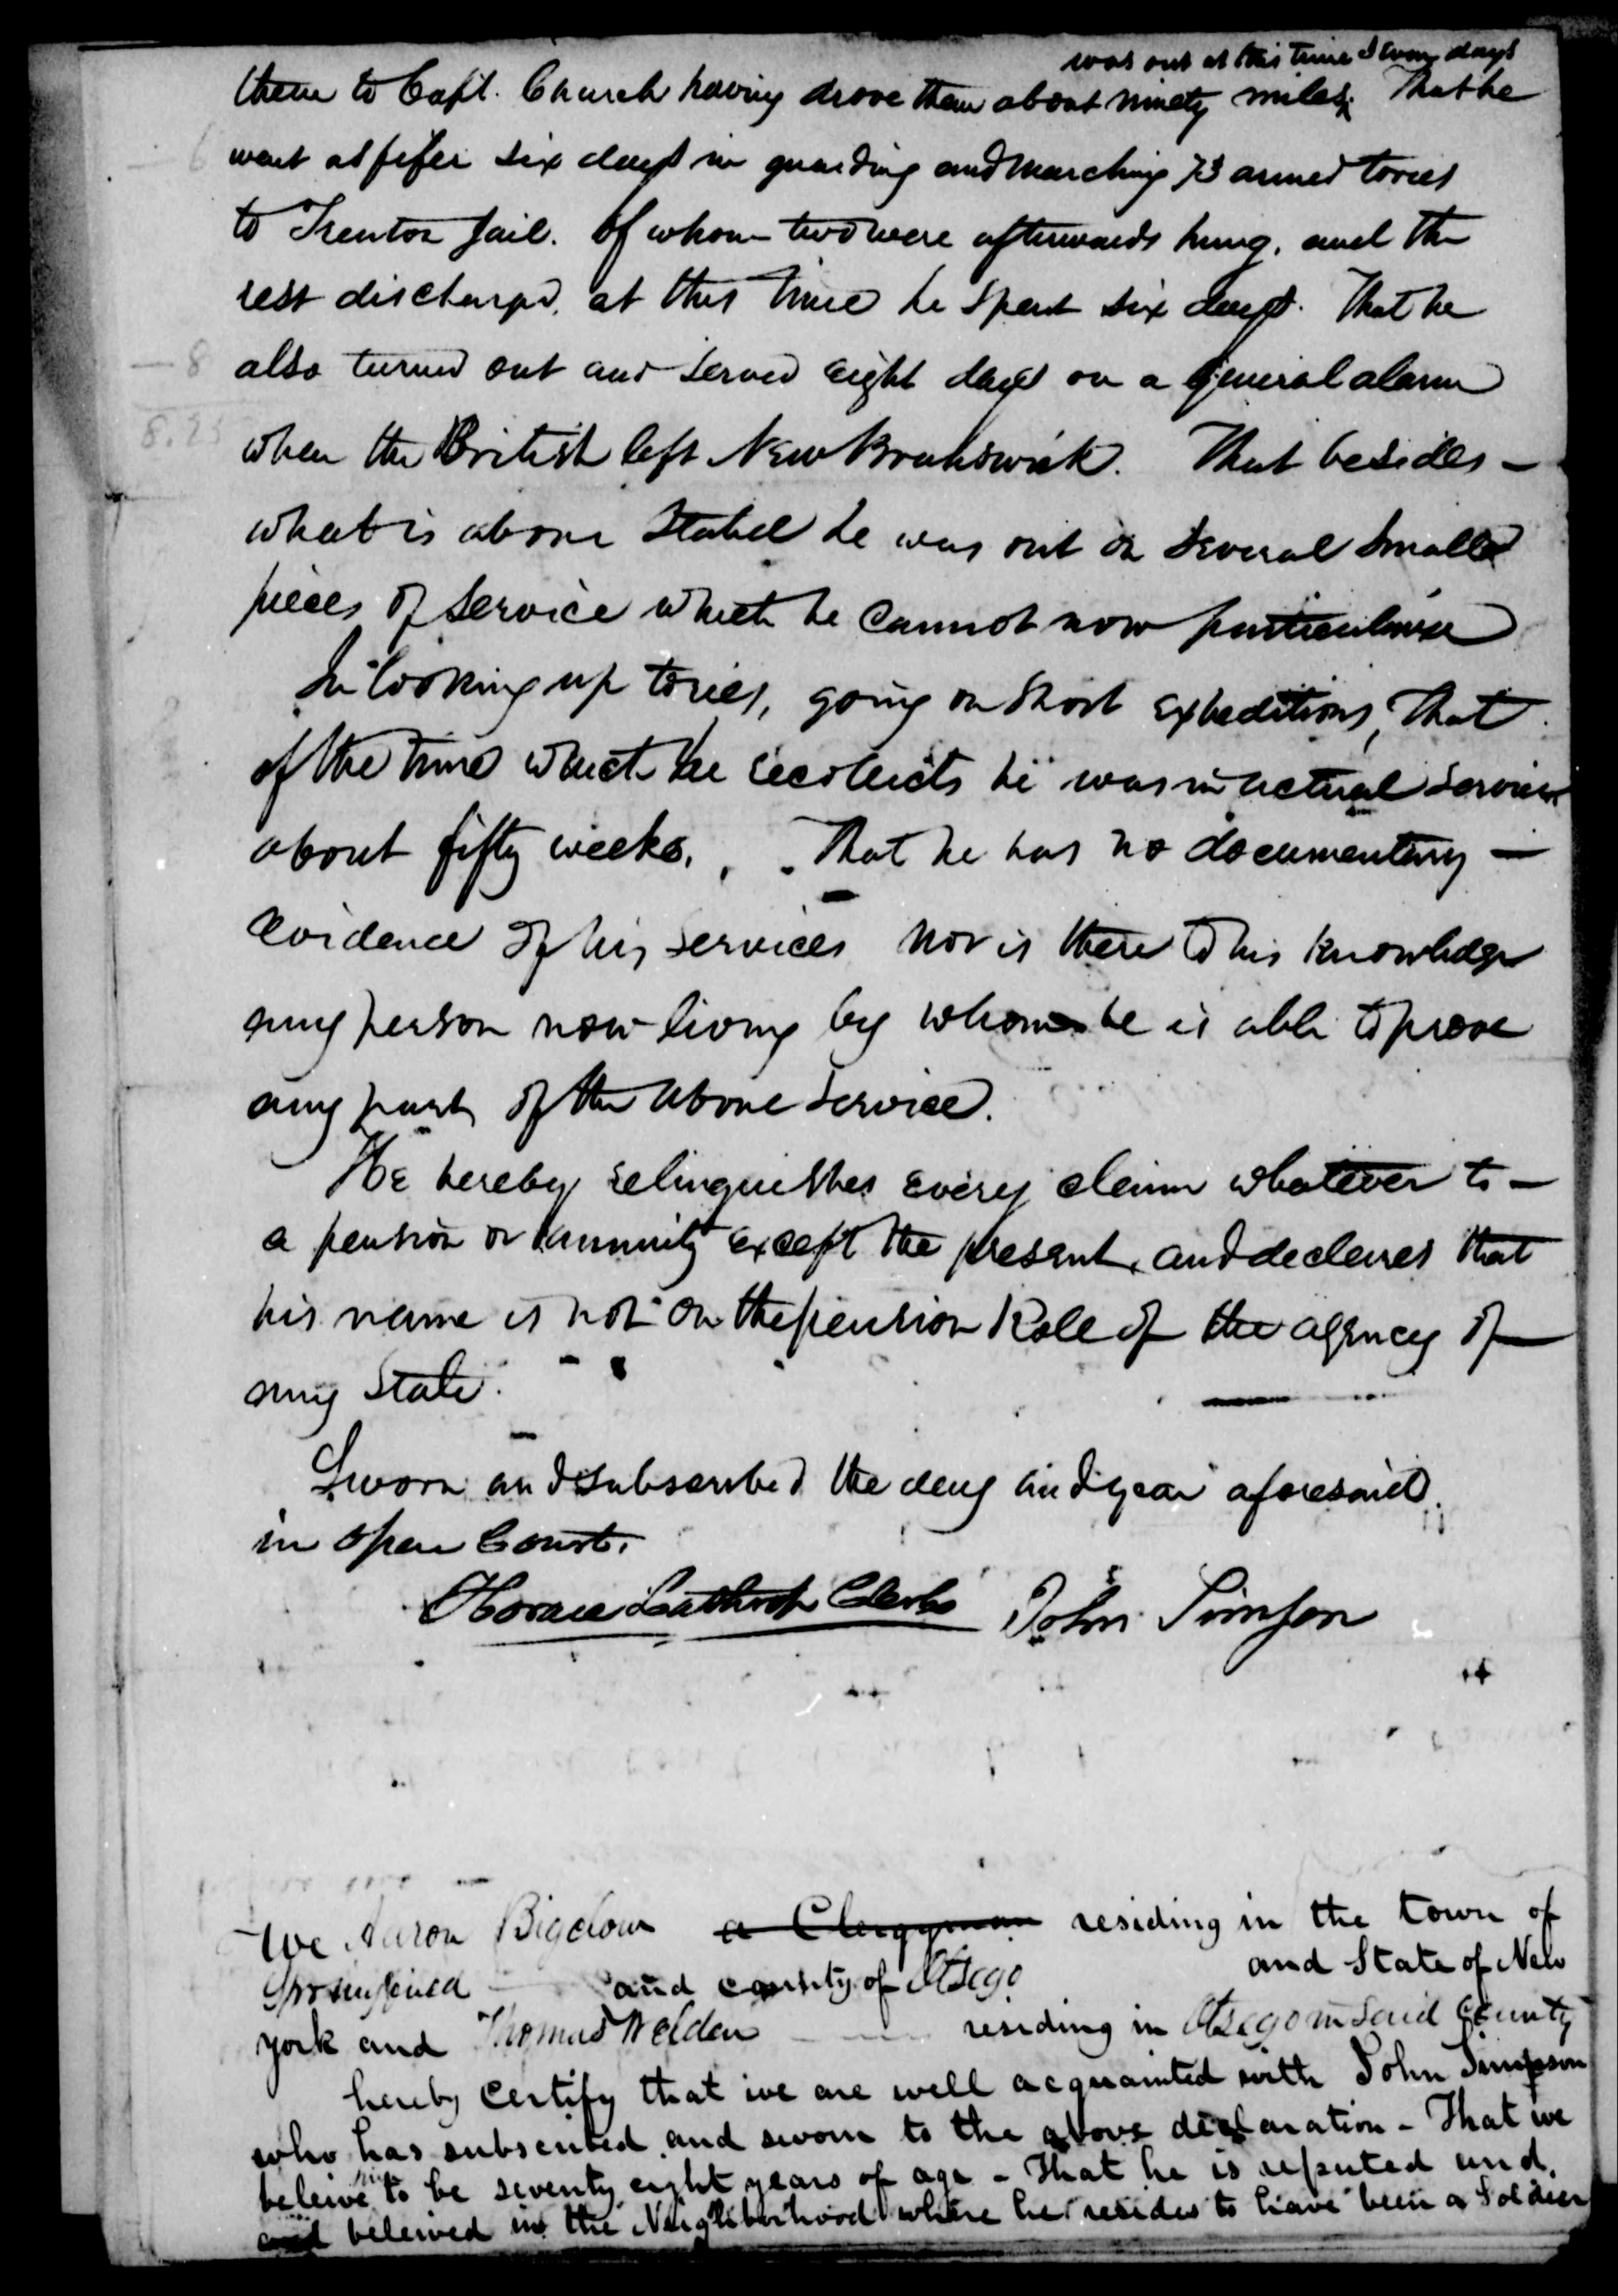them to Capt. Church having drove them about ninety miles . was out at this time  {illegible} days. That he went as fifer six days in guarding and marching 13 armed tories to Trenton Jail. of whom two were afterwards hung. and the rest discharged, at this time he spent six days. That he also turned out and served eight days on a general alarm when the British left New Brunswick. That besides what is above stated he was out on several small pieces of Service which he cannot now particularize.  In locking up tories, going on short expeditions, that of the time which he recollects he was in actual service about fifty weeks. That he has no documentary-evidence of his services nor is there to his knowledge any person now-living by whom he is able to prove any party of the above service.
He hereby relinquishes every claim whatever to a pension or annuity except the present and declared that his name is not on the pension Role of the agency of any state.
Sworn and subscribed the day and year aforesaid in open court.
                                    John Simpson
Horace Lanthrop Clerk    

We Aaron Bigelow [crossed out "a Clergyman"] residing in the town of Springfield and county of Otsego and State of New York and Thomas Welden---residing on Otsego in said county hereby certify that we are well acquainted with John Simpson who has subscribed and sworn to the above declaration--That we believe him to be seventy eight years of age--that he is reputed and believed in the Neighborhood where he resides to have been a soldier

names: [BLANK] Church; Thomas Welden; Horace Lathrop; Aaron Bigelow; John Simson; John Simpson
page: 4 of 35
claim: rejected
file: R. 9601, for John Simson, New Jersey